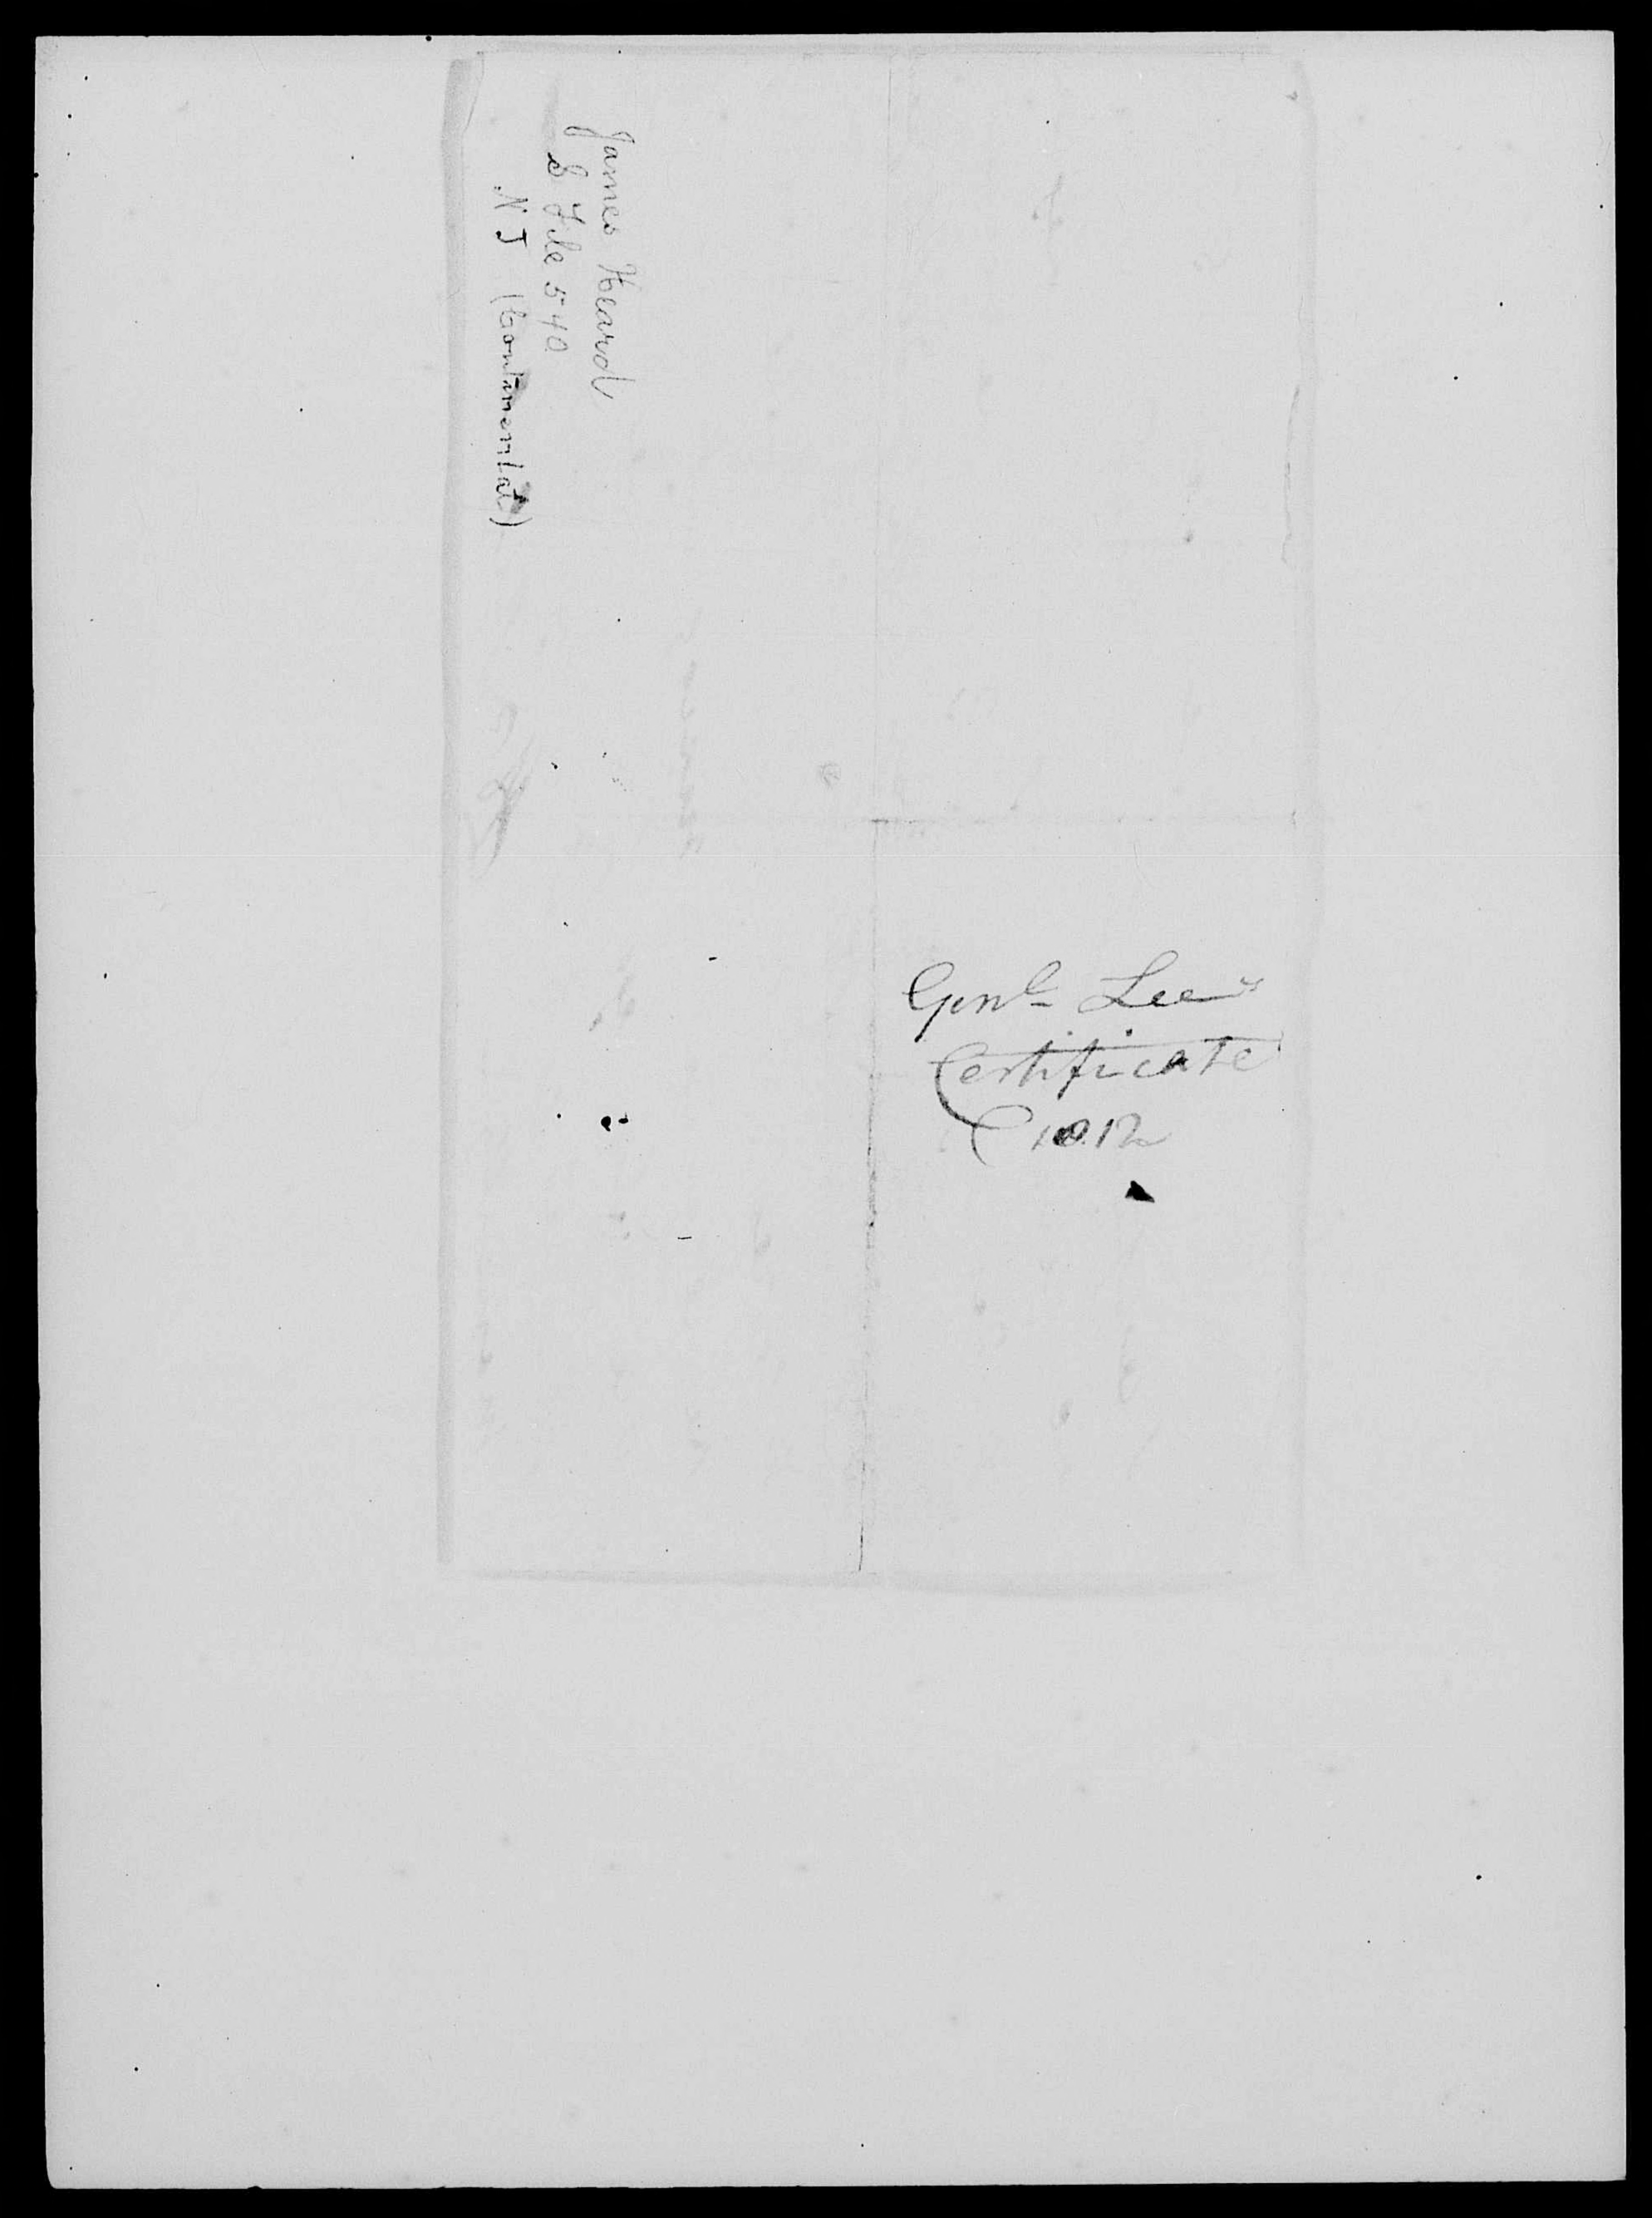James Heard 
S. File 540
NJ 
General [Henry] Lee 
Certificate
C1012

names: Lee, James Heard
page: 25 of 62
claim: survivor's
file: S. 540, James Heard, Continental - New Jersey Residence In 1818